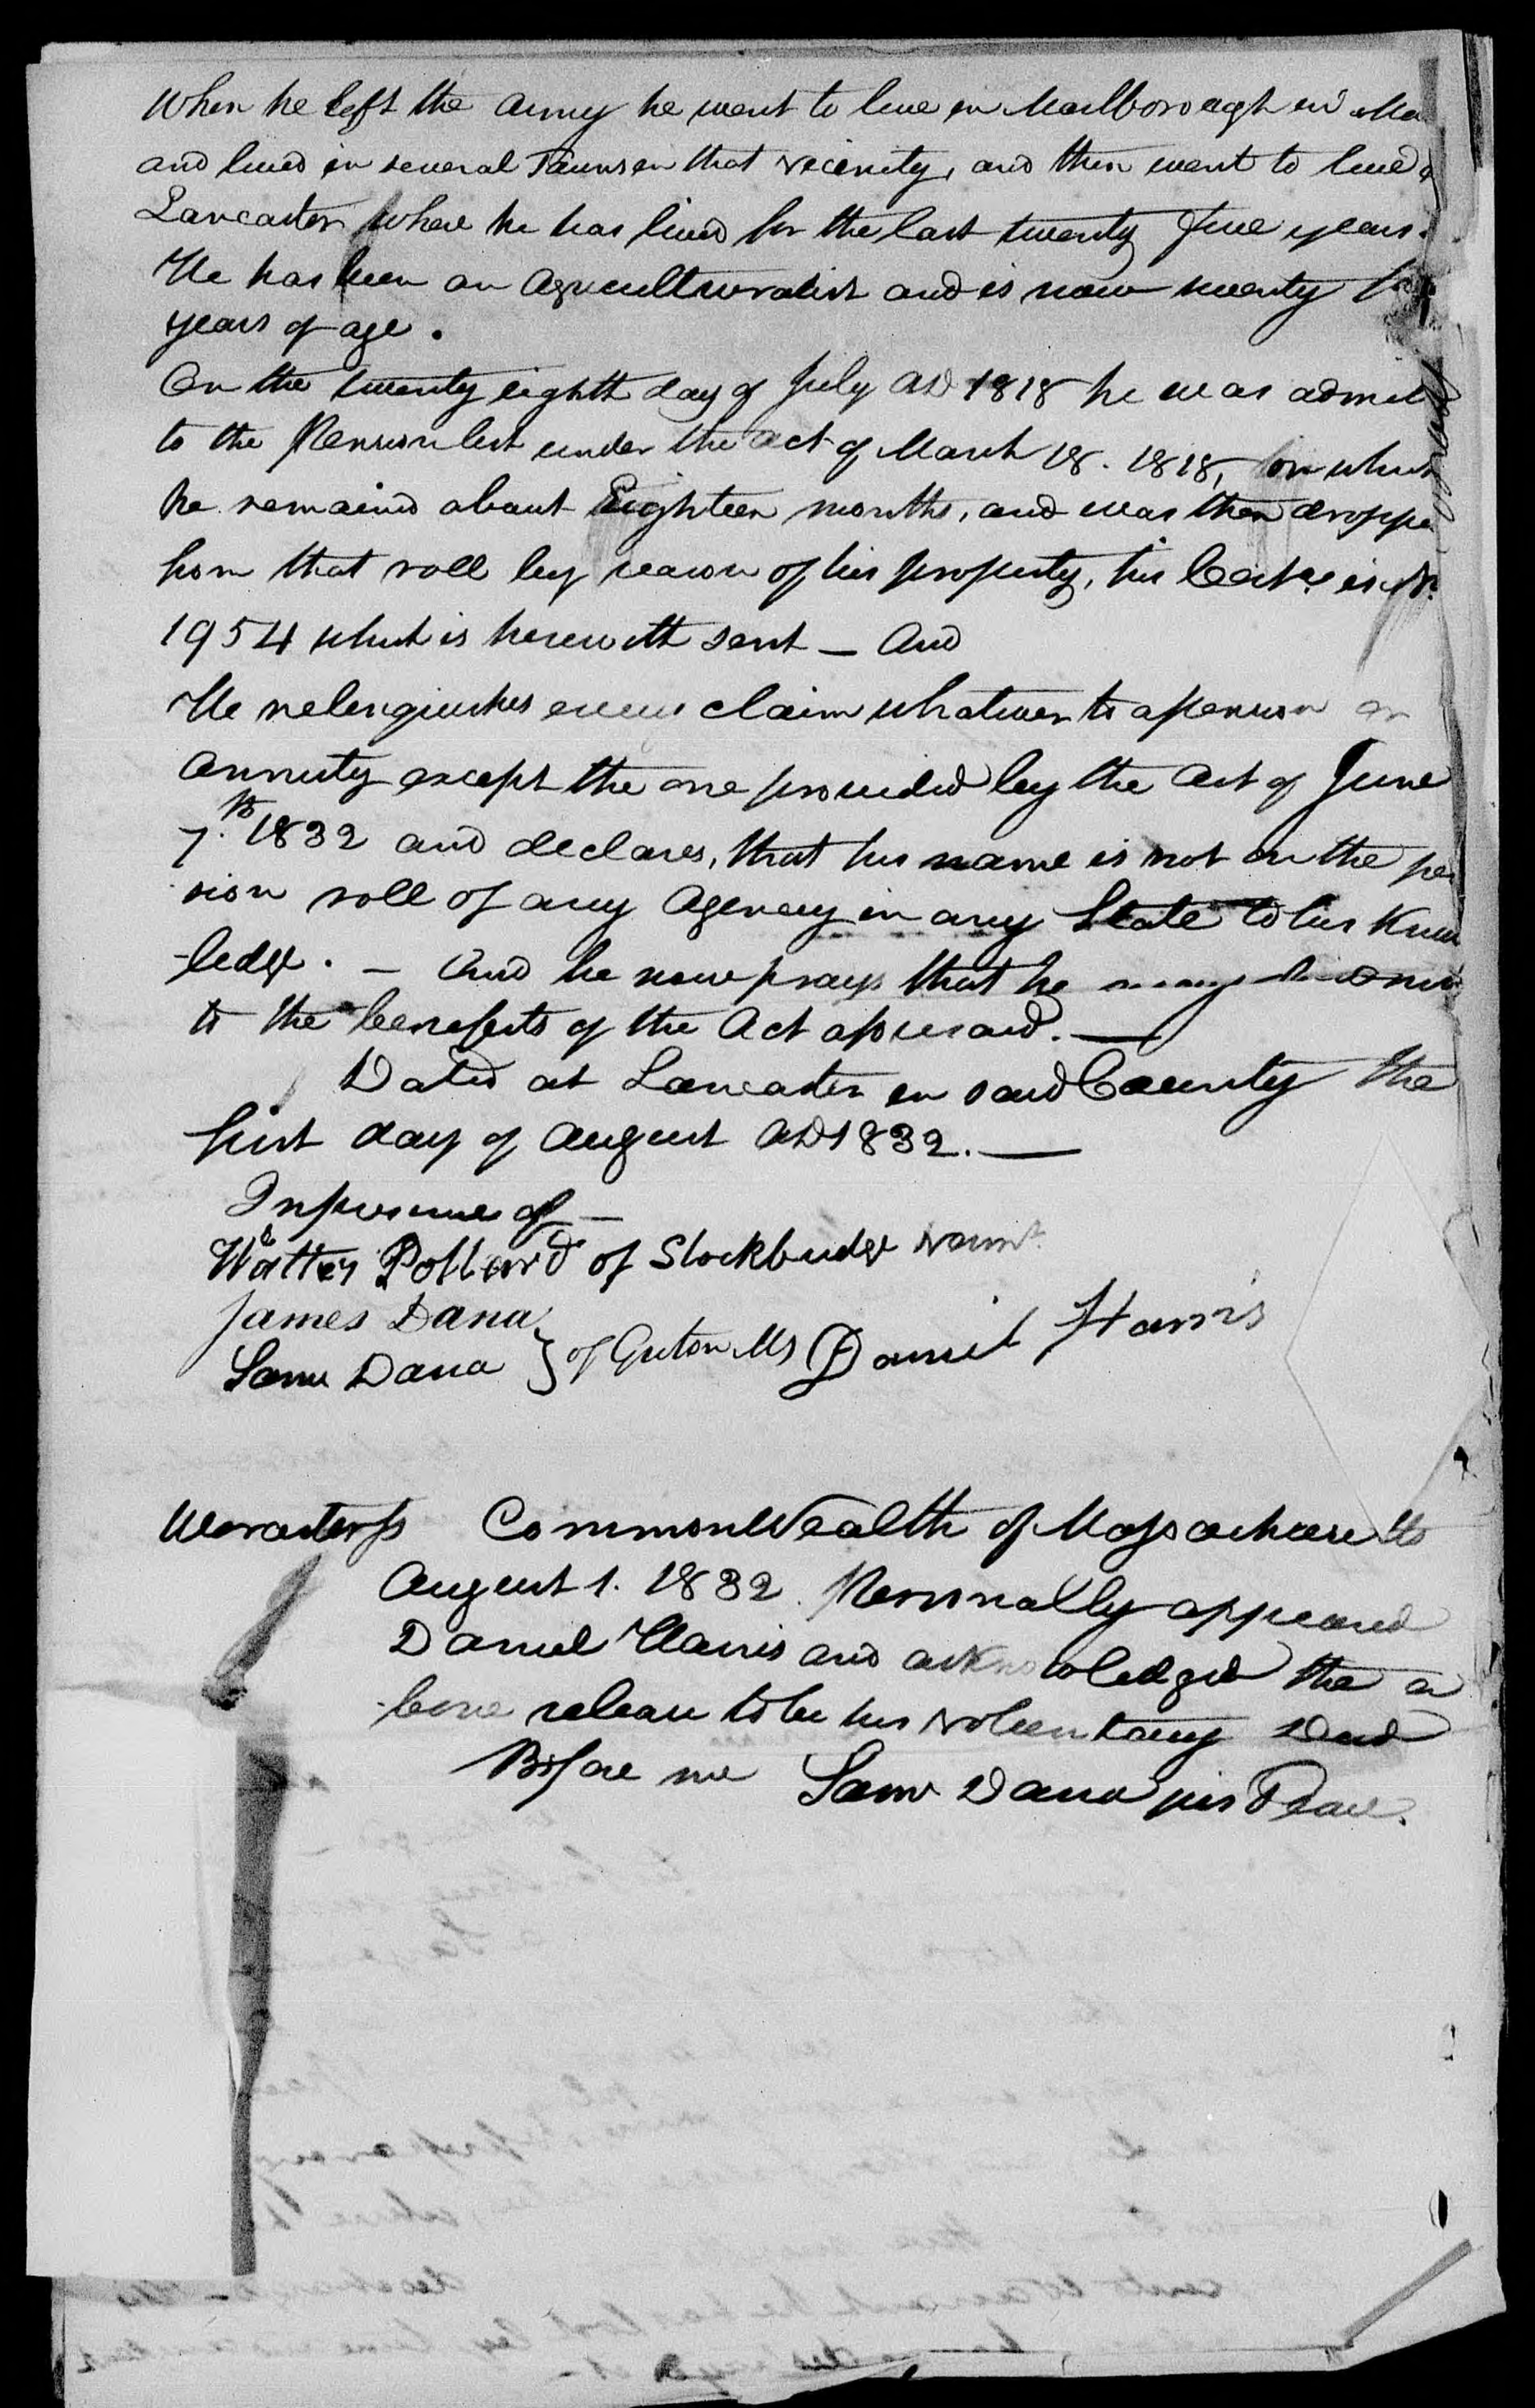When he left the Army he went to live in Marlborough [unreadable] and lived in several towns in that vicinity, and then went to live in Lancaster where he has lived for the last twenty five years. He has been an Agriculturrator [best guess] and is now seventy [unreadable] years of age.

On the twenty eight day of July in 1818 he was [unreadable] to the Pension but under the act of March 18, 1818, on which remains about eighteen months, and was then [unreadable] him that roll by reason of his property, his [unreadable] with 1954 which is herewith sent - and We [unreadable] claim whatever to a pension annuity except the one provided by the Act of June 7th, 1832 and declares, that his name is not on the pension roll of any agency in any state [unreadable] . - And he now prays that he [unreadable] to the benefits of the Act aforesaid.

Dates and Lancaster in and County the first day of August 1832.

Walter Pollard of Stockbridge [unreadable]
James Dana
Sam'l Dana of Groton Daniel Harris

Warrants Commonwealth of Massachusetts August 1, 1832. Personally appeared Daniel Harris and acknowledged the [unreadable] release to the [unreadable] before me Sam Dana [unreadable] Peace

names: Daniel Harris, Sam Dana, James Dana, Daniel Harris, Walter Pollard, Saml Dana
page: 5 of 68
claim: survivor's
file: S. 29,877, Daniel Harris, Mass.